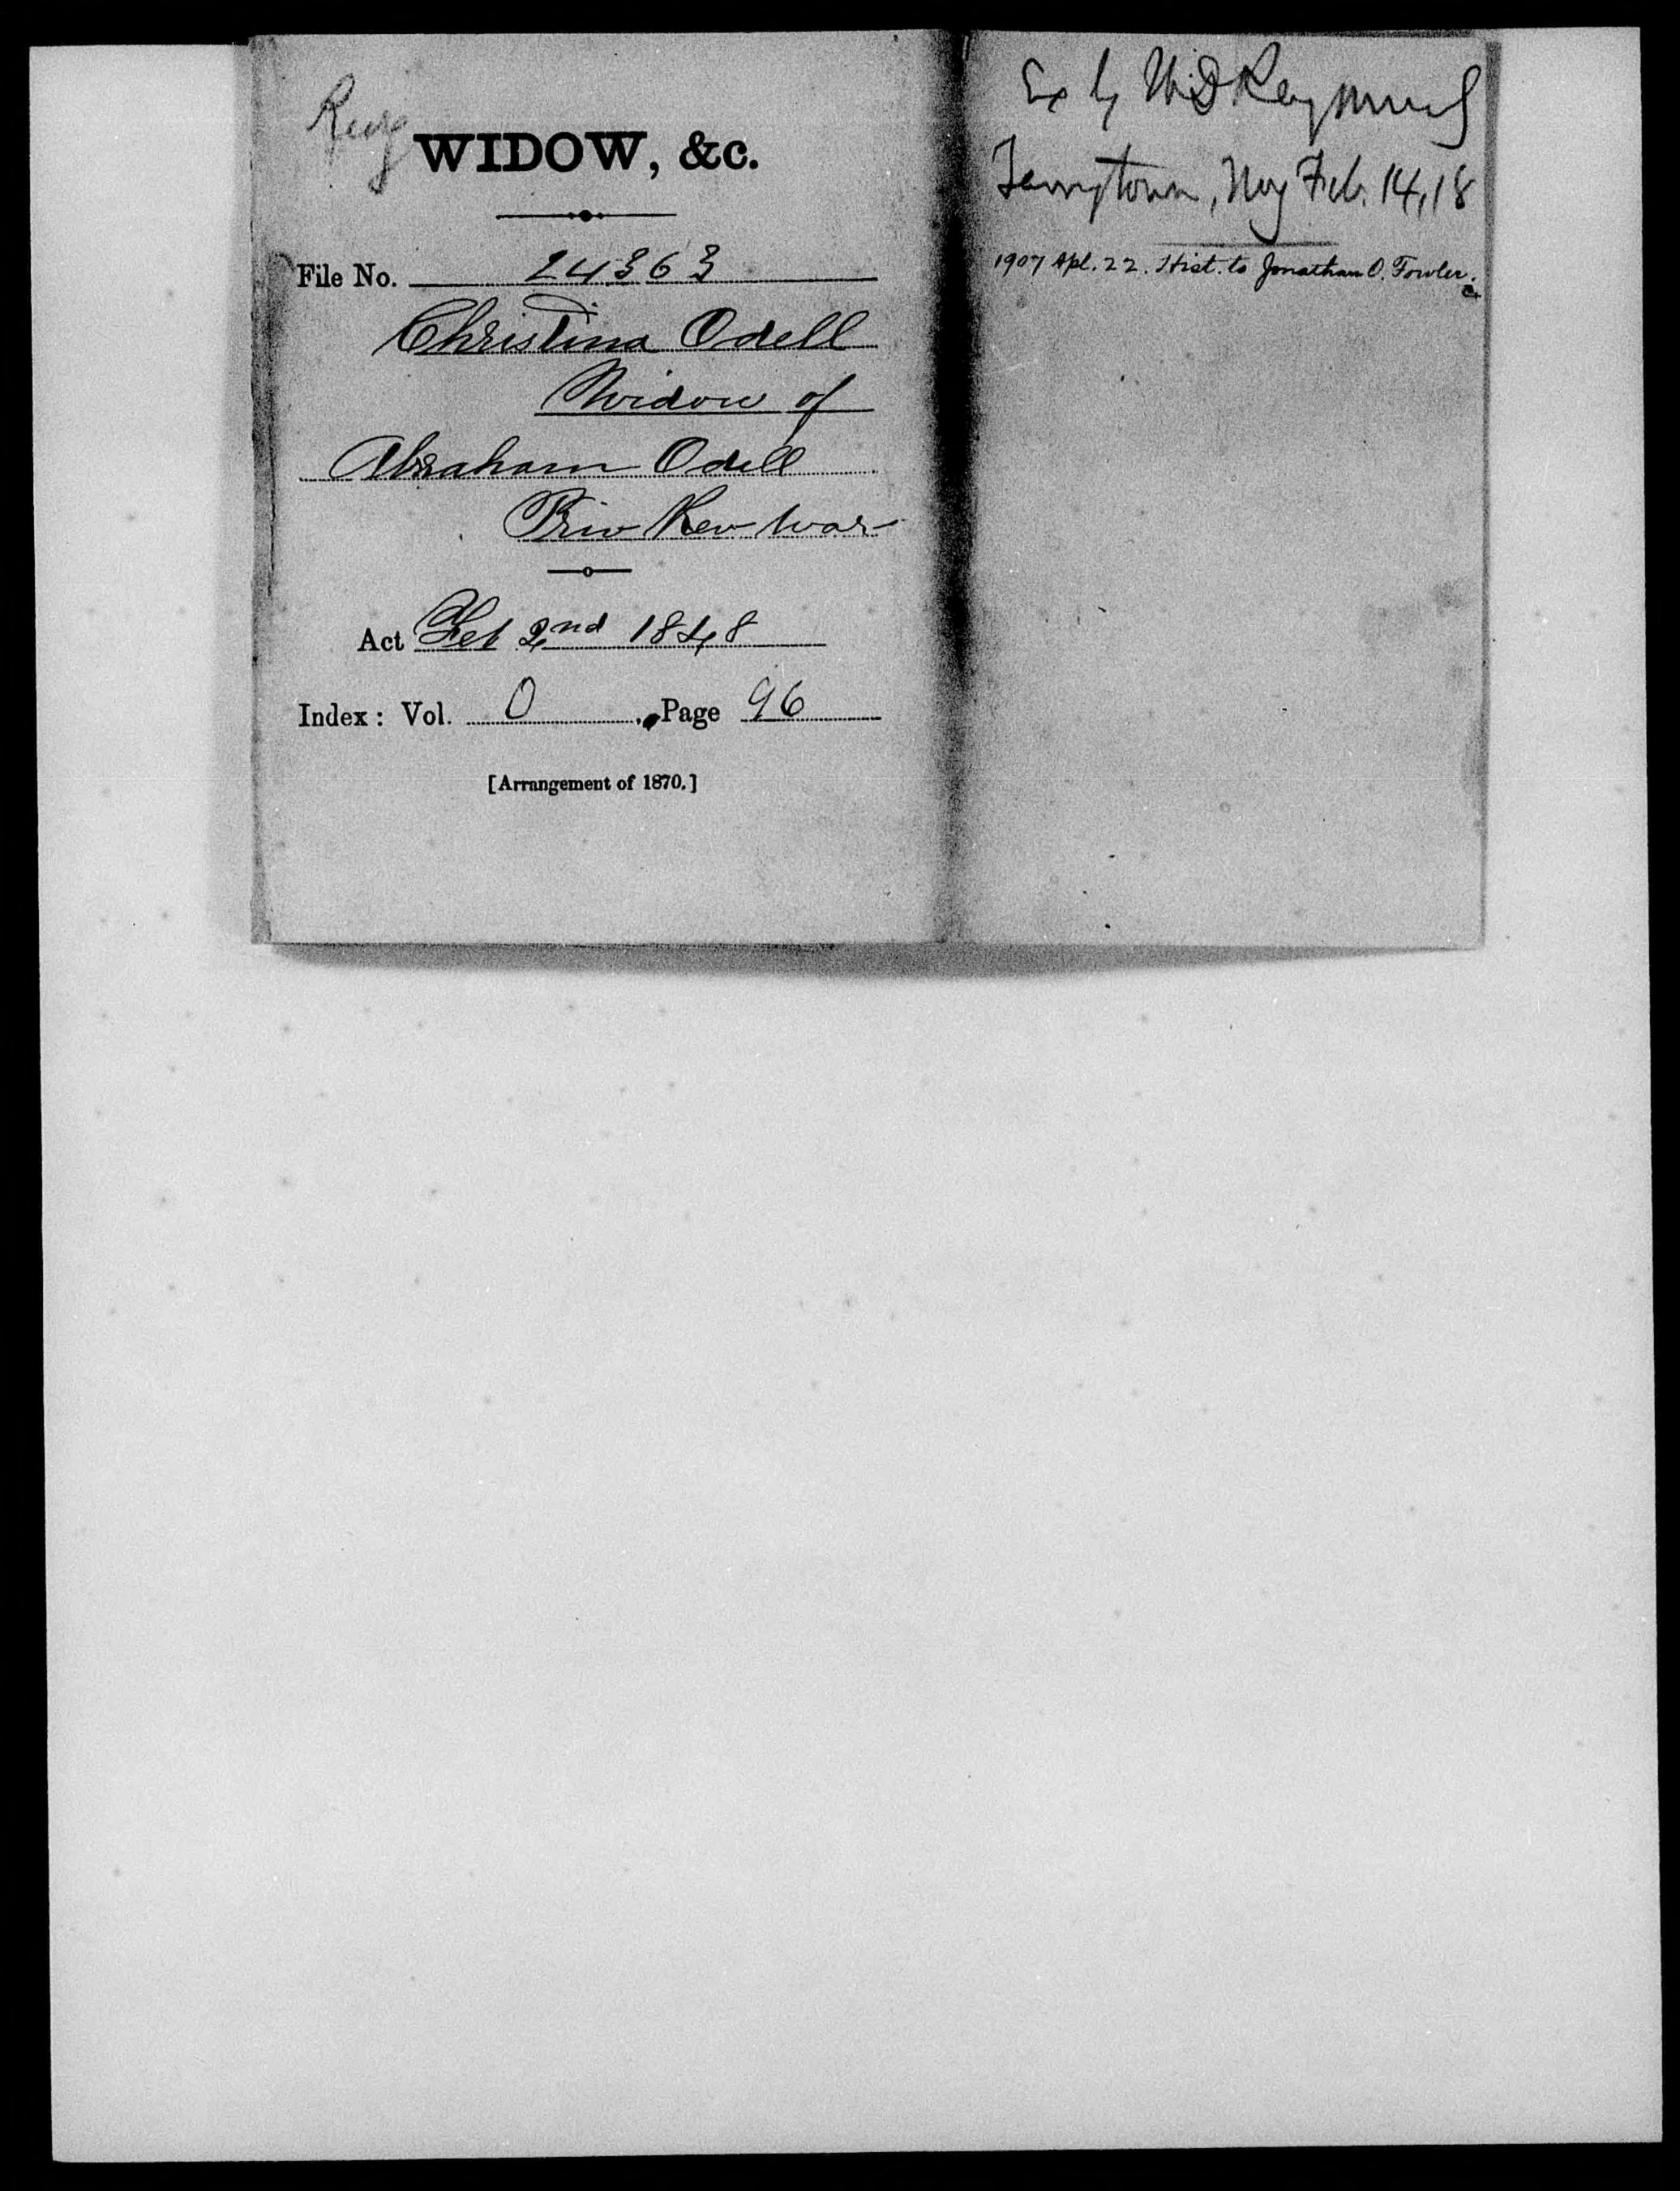[printed form with hand written responses] 
Revy WIDOW, &c.
-----
File No. 24363 Christina Odell 
Widow of Abraham Odell Priv Rev War
----
Act Feb 2nd. 1848
Index: Vol. O, Page 96 
[Arrangement of 1870.] [square brackets in original] 

[right side of page] 
Ex by W.D. Raymond Tarrytown, Ny Feb. 14, 18 
1907 Apl. 22. Hist. to Jonathan O. Fowler. Es.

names: Christina Odell; Jonathan D Fowler; Abraham Odell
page: 12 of 19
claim: widow's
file: W. 24363, for Abraham Odell, New York